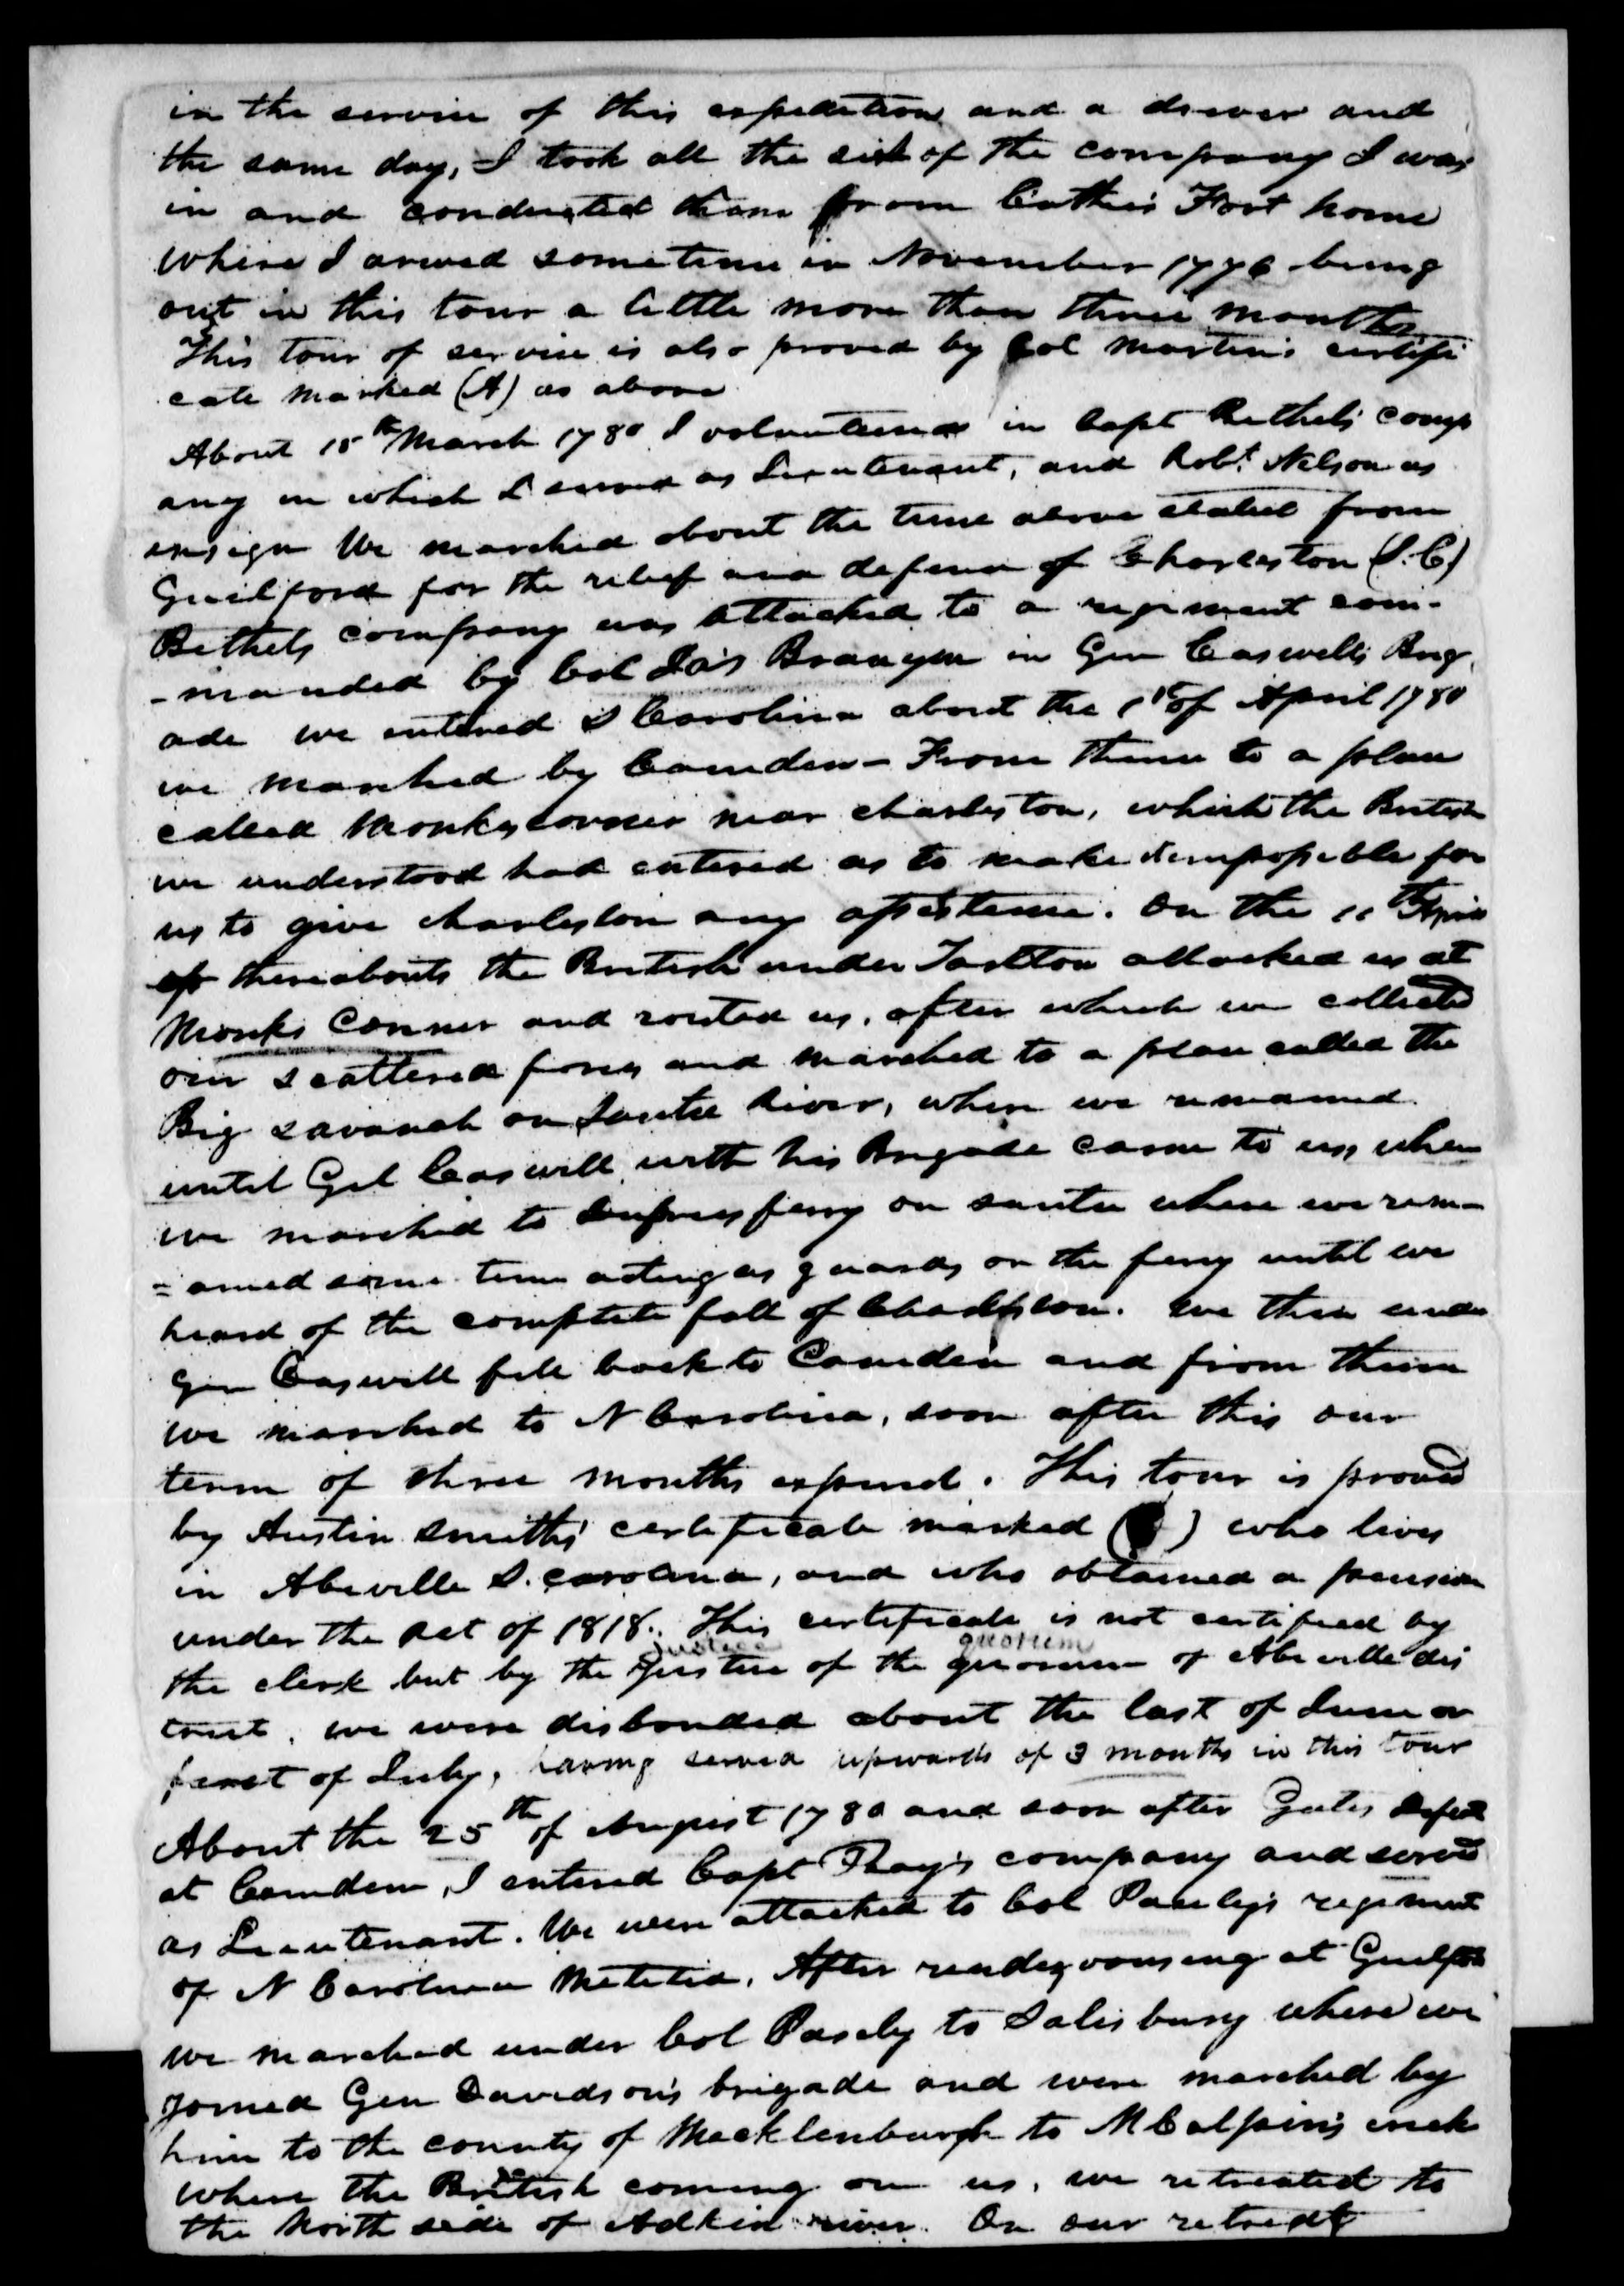in the service of this expedition, and a driver and the same day, I took all the sick of the company I was in and conducted them from Cathey's Fort home where I arrived some time in November 1776, being out in this tour a little more than three months. This tour of service is also proved by Col. Martin’s certificate marked (A) as above. About 15th March 1780, I volunteered in Capt. Bethel’s company in which I served as Lieutenant, and Rob’t. Nelson as ensign. We marched about the time above stated from Guilford  for the relief and defense of Charleston (S.C.). Bethel’s company was attached to a regiment commanded by Col. Jas. Branyen in Gen. Caswell’s Brigade. We entered S Carolina about the 1st of April, 1780. We marched by Camden, from thence to a place called Monk’s Corner near Charleston, which the British, we understood had entered as to make it impossible for us to give Charleston any assistance. On the 11th April or there about the British under Tarlton attacked us at Moncks Corner and routed us, after which we collected our scattered ponies and marched to a place called the Big savanah on Santee River, where we remained until Gen. Caswell with his Brigade came to us. Whence we marched to Dupree’s Ferry on Santee where we remained some time acting as guards on the ferry until we heard of the complete fall of Charleston. We then under Gen. Caswell fell back to Camden and from thence we marched to N Carolina, soon after this our term of three months expired. This tour is proved by Austin Smith’s certificate marked (C) who lives in Abeville, [sic] S Carolina and who obtained a pension under the Act of 1818. This certificate is not certified by the clerk but by the Justice of the peace of Abeville [sic] District. We were disbanded about the last of June or first of July, having served upwards of three months in this tour. About the 25th of August 1780 and soon after Gates’ Defeat at Camden, I entered Capt. Peay’s company and served as Lieutenant. We were attached to Col. Pasely’s regiment of N Carolina militia. After rendezvousing at Guilford we marched under Col. Paisley to Salisbury where we joined Gen. Davidson’s brigade and were marched by him to the county of Mecklenburg to McAlpin’s Creek where the British coming on us, we retreated to the North side of Adkin river. On our retreat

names: Austin Smith, Jas Branyen, Robt Nelson, Caswell, Caswell, Martin, Pasely, Caswell, Gates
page: 8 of 105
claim: survivor's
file: S. 1883, Richard Vernon, N.C.